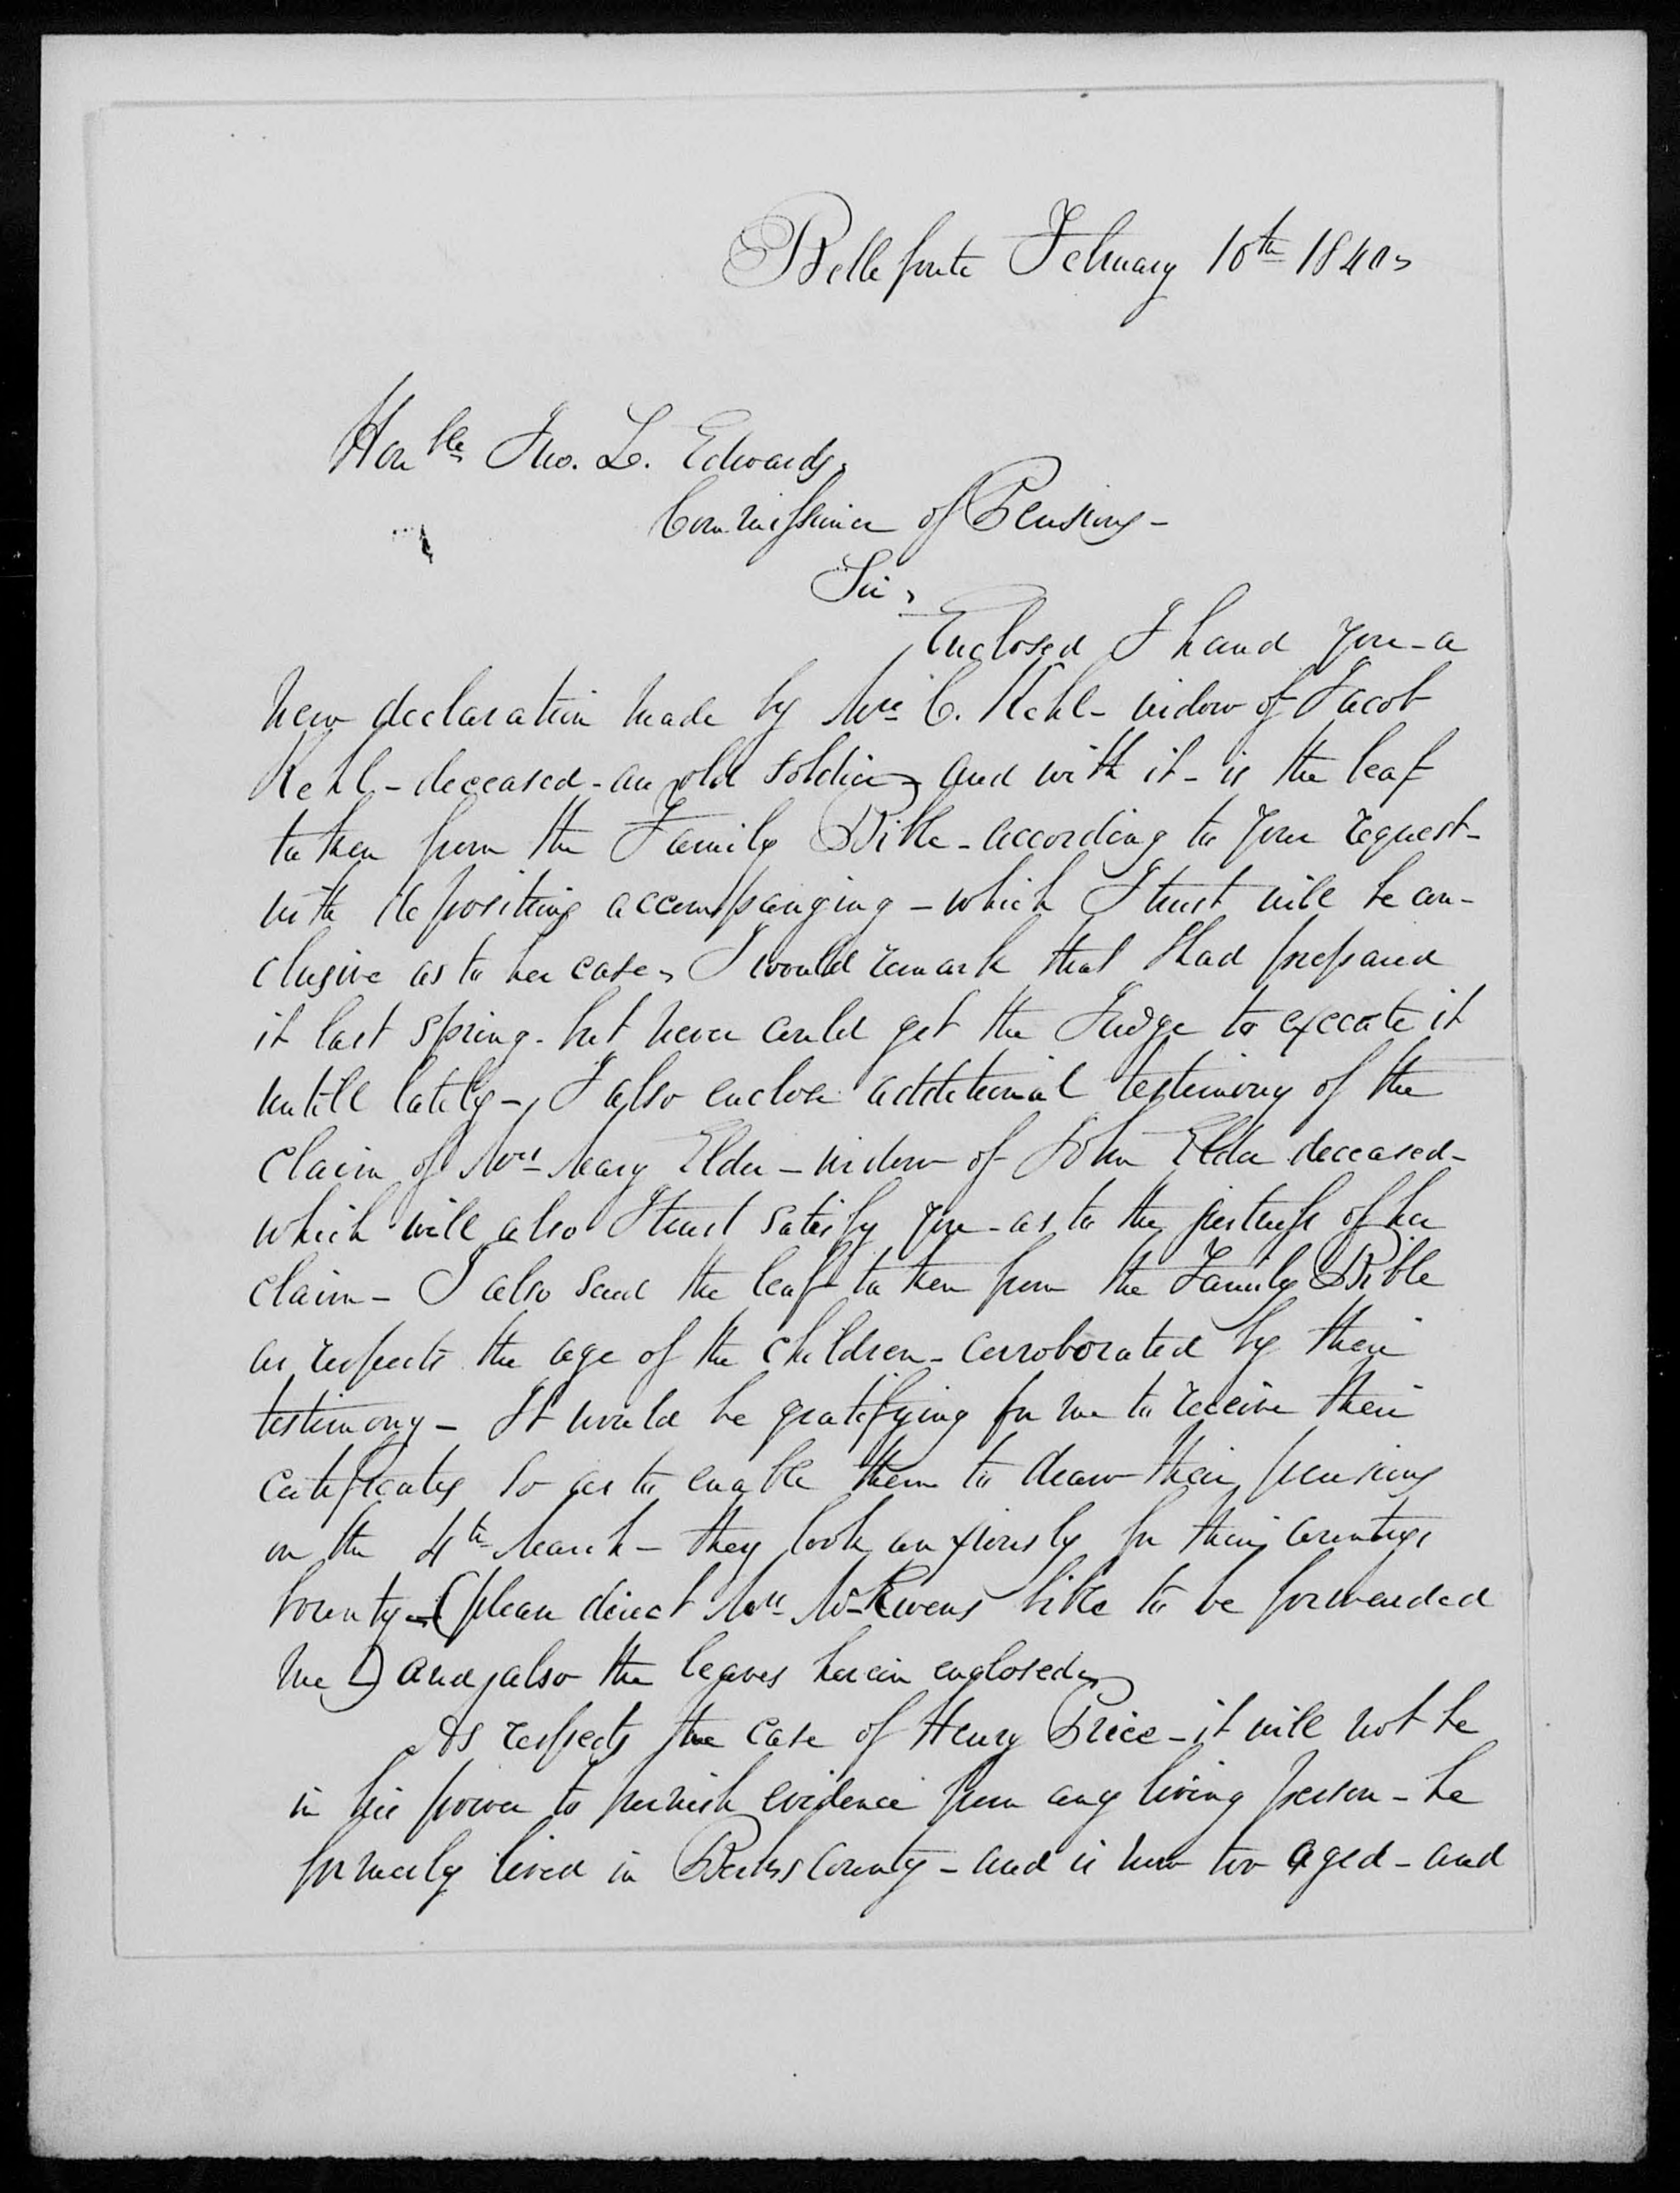Bellefonte February 10th 1840
Hon J. L. Edward
Commissince of Plaking
S
Enclosed I hand you
new declaration made by Mrs C. Kehl widow of Jacob
kehl -deceased- an old soldier- and with it is the leaf
taken from the Family Bible- according to your request-
with the writing accompanying-- which I trust will be conclusive as to the case.
I would remark that had prepared it last spring but never could get the Judge to accept it until lately. I also enclose additional testimony of the claim of Mrs Mary Elder- widow of John Elder deceased. which will also [ ] satisfy Jim. As to the [ ] claim. I also seal the leaf taken from the Family Bible as reflects the age of the children. corroborated by their testimony. It would be gratifying for me to receive their officially so as to enable them to draw their [ ] with 4th Search They look on [ ] for they greatly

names: Jacob Kehl, Mc Ewens, C Kehl, John Elder, Henry Price, Jno L Edwards, Mary Elder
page: 72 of 80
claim: widow's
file: W. 24117, John Elder, Penn.